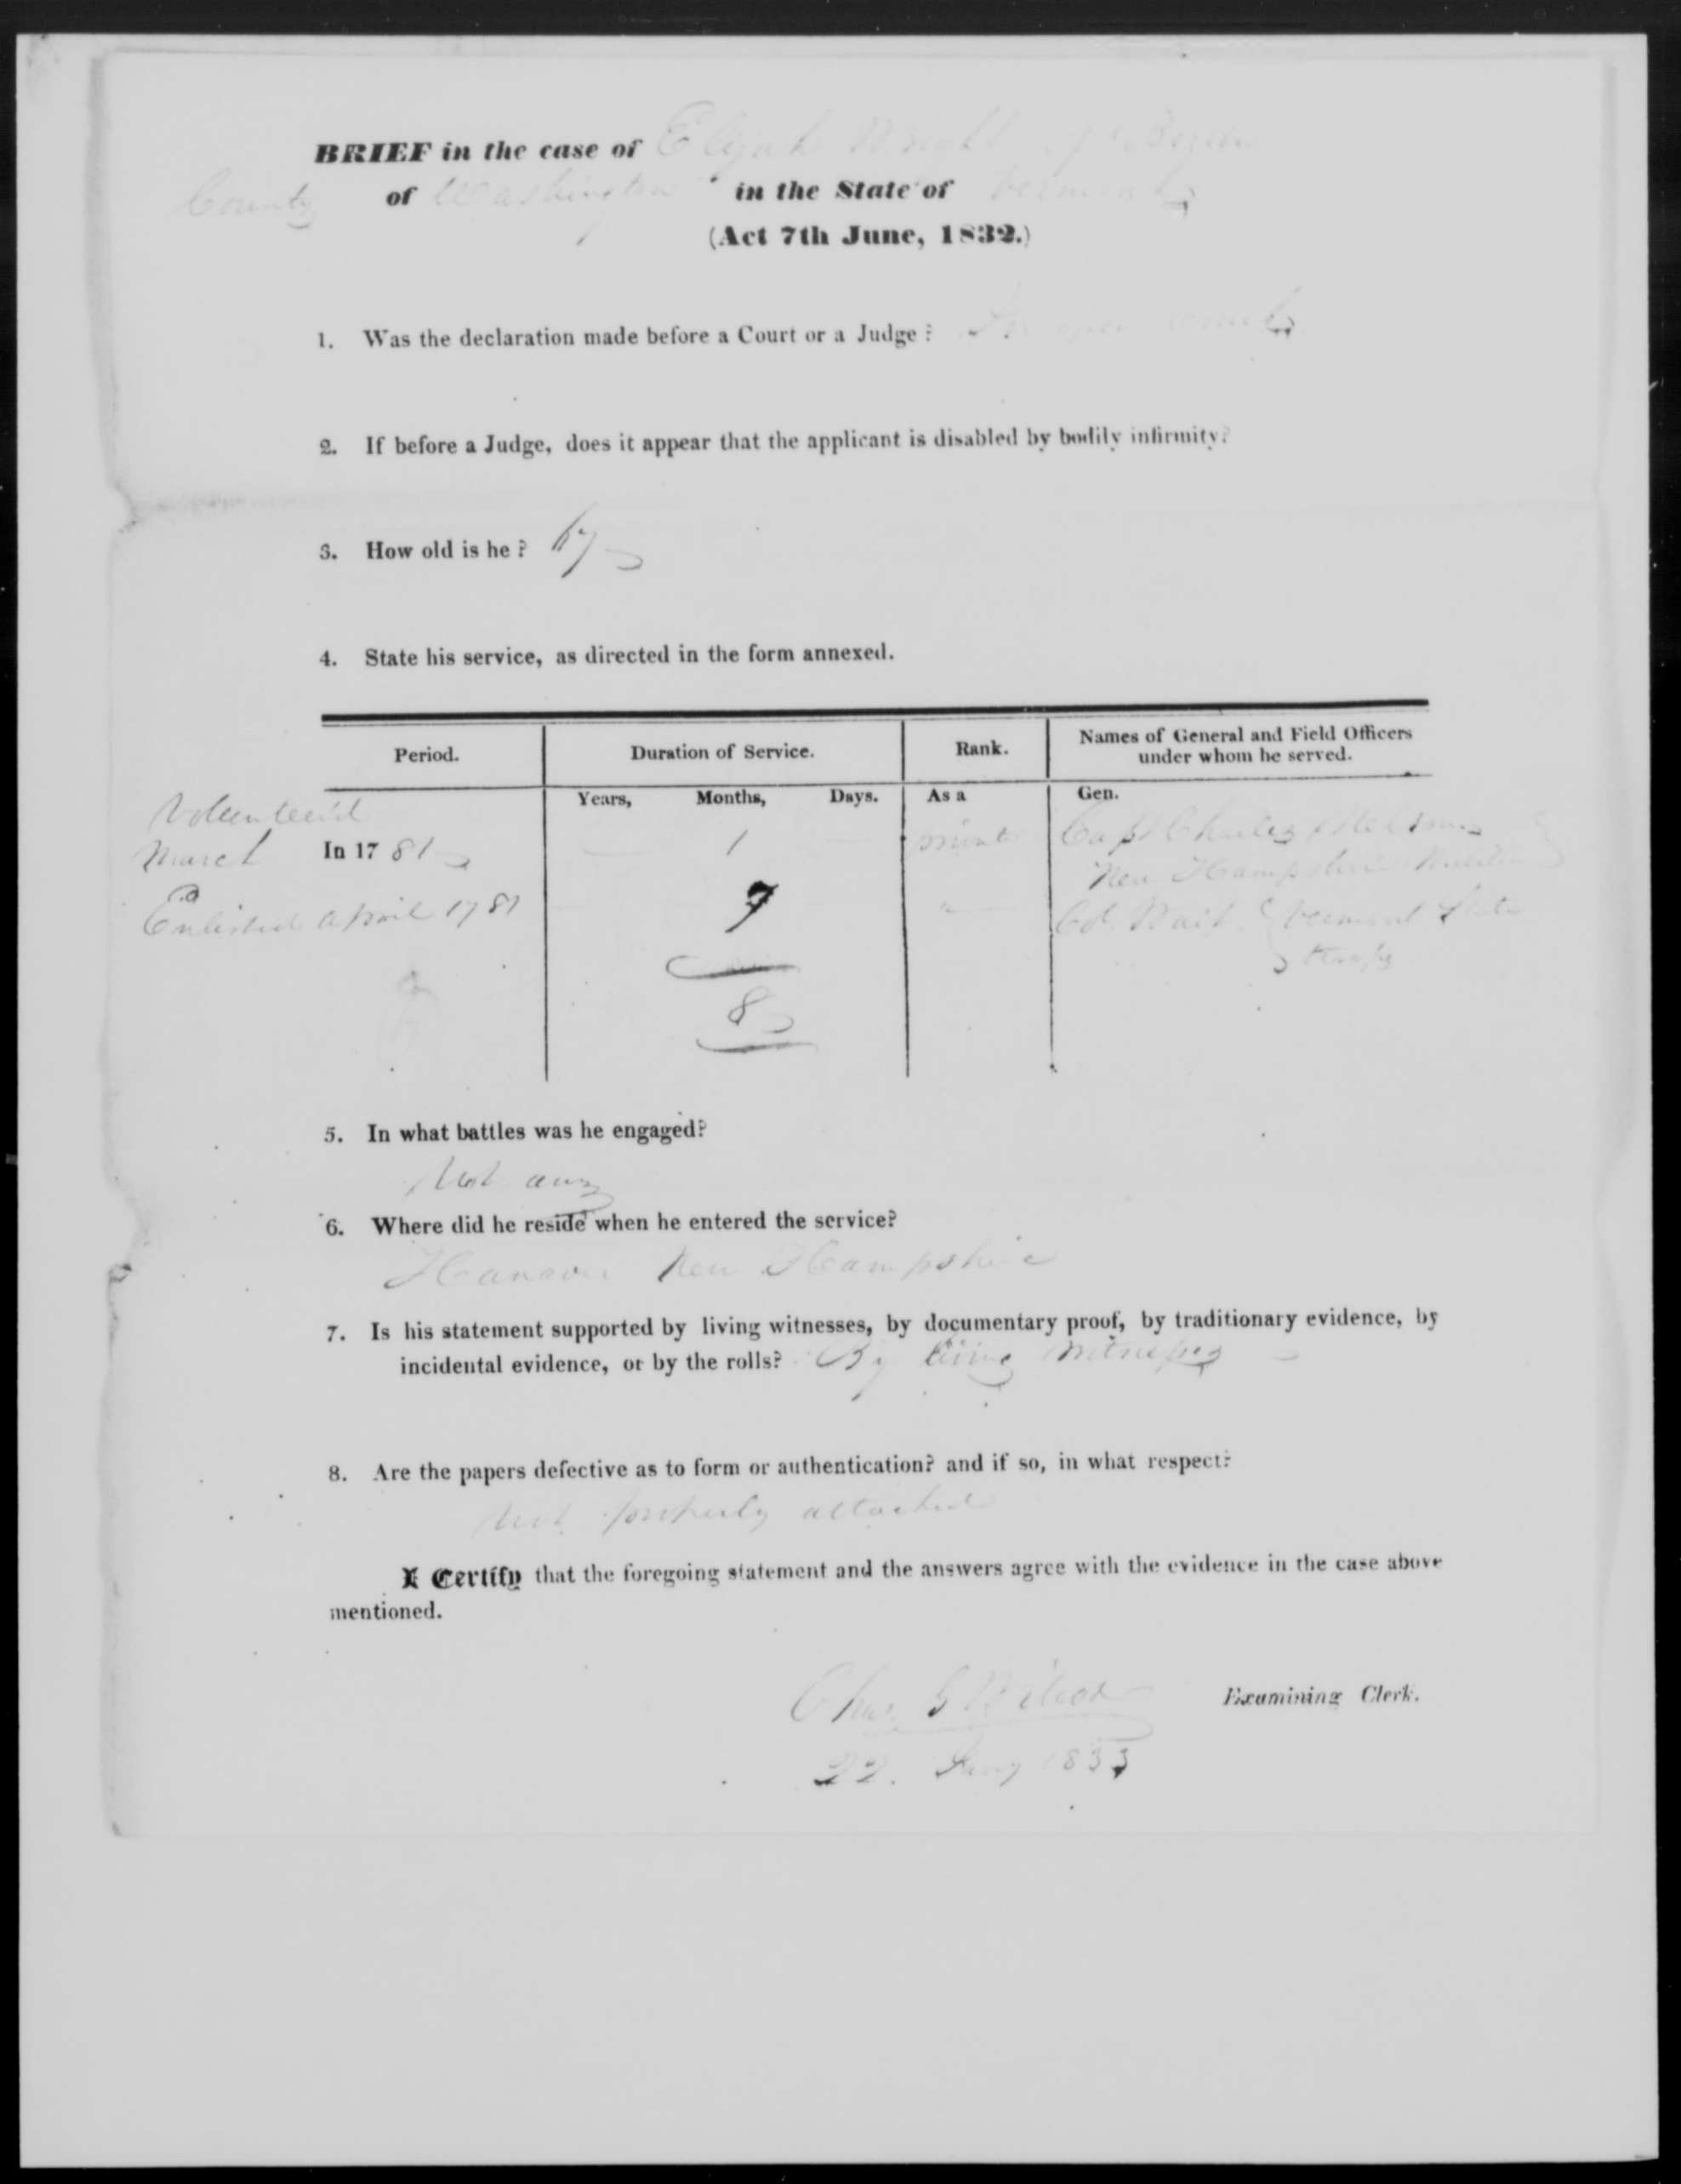BRIEF in the case of Elijah Wright
County of Washington
in the State of Vermont
(Act 7th June, 1832.)
1. Was the declaration made before a Court or a Judge? in open court
2. If before a Judge, does it appear that the applicant is disabled by bodily infirmity
3. How old is he? 67
4. State his service, as directed in the form annexed.
Period. / Duration of Service. /Rank./ Names of General and Field Officers under whom he served.

volunteered March in 1780 / 1 (mo) / private / Capt Charles Morton New Hampshire militia

Enlisted April 1781 / 7 (mo) /do /  Col Wait Vermont line [illegible]
8 (mo)



5. In what battles was he engaged?
not any
h6. Where did he reside when he entered the service?
Hanover New Hampshire
7. Is his statement supported by living witnesses, by documentary proof, by traditionary evidence, by
incidental evidence, or by the rolls? by living witnesses
8. Are the papers defective as to form or authentication? and if so, in what respect:
not properly attached

I certify that the foregoing statement and the answers agree with the evidence in the case above
mentioned.
Chas G Wilcox
Examining Clerk.
22 Feby 1833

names: Chas G Wilcox, Wait, Charles Morton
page: 8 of 26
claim: widow's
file: W. 26,137, Elijah Wright, N.H.